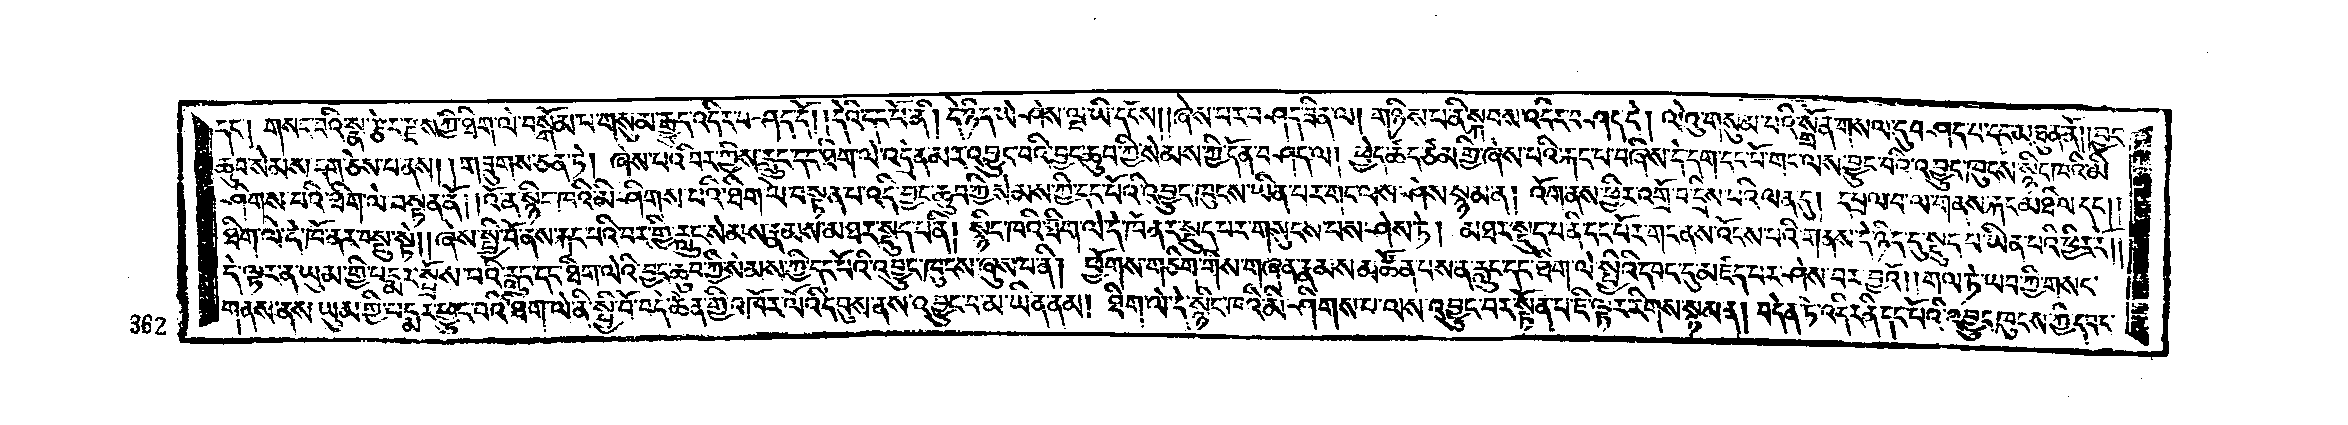དང་། གསང་བའི་སྣ་རྩེར་རྫས་ཀྱི་ཐིག་ལེ་བསྒོམ་པ་གསུམ་རྒྱུད་འདིར་བཤད་དོ། །དེའི་དང་པོ་ནི། དེ་ཉིད་ཡེ་ཤེས་ལྔ་ཡི་དངོས། །ཞེས་པར་བཤད་ཟིན་ལ། གཉིས་པ་ནི་སྐབས་འདིར་བཤད་དེ། ལེའུ་གསུམ་པའི་སྒྲོན་གསལ་དུ་བཤད་པ་དང་མཐུན་ནོ། །བྱང་
ཆུབ་སེམས་དག་ཅེས་པ་ནས། །གཟུགས་ཅན་ཏེ། ཞེས་པའི་བར་གྱིས་རླུང་དང་ཐིག་ལེ་འདྲེན་མར་འབྱུང་བའི་བྱང་ཆུབ་ཀྱི་སེམས་ཀྱི་དོན་བཤད་ལ། ཕྱེད་ཚད་ཙམ་གྱི་ཞེས་པའི་རྐང་པ་བཞིས་དེ་དག་དང་པོ་གང་ལས་བྱུང་བའི་འབྱུང་ཁུངས་སྙིང་ཁའི་མི་
ཤིགས་པའི་ཐིག་ལེ་བསྟན་ནོ། །འོ་ན་སྙིང་ཁའི་མི་ཤིགས་པའི་ཐིག་ལེ་བསྟན་པ་འདི་བྱང་ཆུབ་ཀྱི་སེམས་ཀྱི་དང་པོའི་འབྱུང་ཁུངས་ཡིན་པར་གང་ལས་ཤེས་སྙམ་ན། འོག་ནས་ཕྱིར་འགྲོ་བ་དྲིས་པའི་ལན་དུ། དཔྲལ་བ་ལ་གནས་རྐང་མཐིལ་བར། །
ཐིག་ལེ་དེ་ཁོ་ནར་བསྡུ་སྟེ། །ཞེས་སྤྱི་བོ་ནས་རྐང་པའི་བར་གྱི་རླུང་སེམས་རྣམས་མཐར་སྡུད་པ་ནི། སྙིང་ཁའི་ཐིག་ལེ་དེ་ཁོ་ནར་སྡུད་པར་གསུངས་པས་ཤེས་ཏེ། མཐར་སྡུད་པ་ནི་དང་པོར་གང་ནས་འོངས་པའི་གནས་དེ་ཉིད་དུ་སྡུད་པ་ཡིན་པའི་ཕྱིར་རོ། །
དེ་ལྟར་ན་ཡུམ་གྱི་པདམར་སྤྲོས་པའི་རླུང་དང་ཐིག་ལེའི་བྱང་ཆུབ་ཀྱི་སེམས་ཀྱི་དང་པོའི་འབྱུང་ཁུངས་ཞུས་པ་ནི། ཕྱོགས་གཅིག་གིས་གཞན་རྣམས་མཚོན་པས་ན་རླུང་དང་ཐིག་ལེ་སྤྱིའི་དབང་དུ་མཛད་པར་ཤེས་པར་བྱའོ། །གལ་ཏེ་ཡབ་ཀྱི་གསང་
གནས་ནས་ཡུམ་གྱི་པདམར་ཕྱུང་བའི་ཐིག་ལེ་ནི་སྤྱི་བོ་བདེ་ཆེན་གྱི་འཁོར་ལོའི་དབུས་ནས་འབྱུང་བ་མ་ཡིན་ནམ། ཐིག་ལེ་དེ་སྙིང་ཁའི་མི་ཤིགས་པ་ལས་འབྱུང་བར་སྟོན་པ་ཇི་ལྟར་རིགས་སྙམ་ན། བདེན་ཏེ་འདིར་ནི་དང་པོའི་འབྱུང་ཁུངས་ཀྱི་དབང་